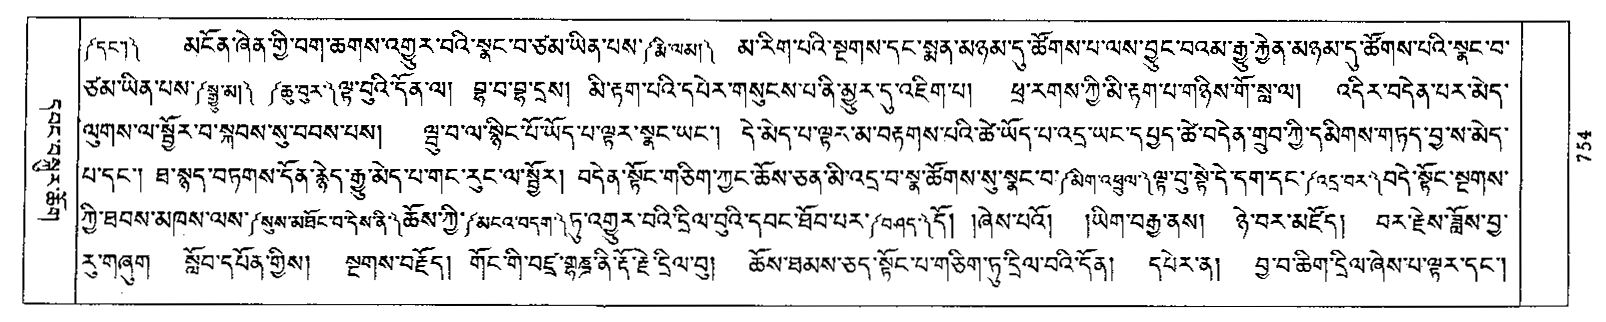༼དང་།?་མངོན་ཞེན་གྱི་བག་ཆགས་འགྱུར་བའི་སྣང་བ་ཙམ་ཡིན་པས་༽རྨི་ལམ།?་མ་རིག་པའི་སྔགས་དང་སྨན་མཉམ་དུ་ཚོགས་པ་ལས་བྱུང་བའམ་རྒྱུ་རྐྱེན་མཉམ་དུ་ཚོགས་པའི་སྣང་བ་
ཙམ་ཡིན་པས ༼སྒྱུ་མ།?་༽ཆུ་བུར྄་ལྟ་བུའི་དོན་ལ། བྷ་བ་བྷ་དྲས། མི་རྟག་པའི་དཔེར་གསུངས་པ་ནི་མྱུར་དུ་འཇིག་པ། ཕྲ་རགས་ཀྱི་མི་རྟག་པ་གཉིས་གོ་སླ་ལ། འདིར་བདེན་པར་མེད་
ལུགས་ལ་སྦྱོར་བ་སྐབས་སུ་བབས་པས། ལྦུ་བ་ལ་སྙིང་པོ་ཡོད་པ་ལྟར་སྣང་ཡང་། དེ་མེད་པ་ལྟར་མ་བརྟགས་པའི་ཚེ་ཡོད་པ་འདྲ་ཡང་དཔྱད་ཚེ་བདེན་གྲུབ་ཀྱི་དམིགས་གཏད་བྱ་ས་མེད་
པ་དང་། ཐ་སྙད་བཏགས་དོན་རྙེད་རྒྱུ་མེད་པ་གང་རུང་ལ་སྦྱོར། བདེན་སྟོང་གཅིག་ཀྱང་ཆོས་ཅན་མི་འདྲ་བ་སྣ་ཚོགས་སུ་སྣང་བ ༼མིག་འཕྲུལ྄་ལྟ་བུ་སྟེ་དེ་དག་དང་༽འདྲ་བར྄་བདེ་སྟོང་སྔགས་
ཀྱི་ཐབས་མཁས་ལས ༼སུས་མཐོང་བ་དེས་ན྄ི་ཆོས་ཀྱི་༽མངའ་བདག྄་ཏུ་འགྱུར་བའི་དྲིལ་བུའི་དབང་ཐོབ་པར་བཤད྄་དོ། །ཞེས་པའོ། །ཡིག་བརྒྱ་ནས། ཉེ་བར་མཛོད། བར་རྗེས་ཟློས་བྱ་
རུ་གཞུག་སློབ་དཔོན་གྱིས། སྔགས་བརྗོད། གོང་གི་བཛྲ་གྷཎྜ་ནི་རྡོ་རྗེ་དྲིལ་བུ། ཆོས་ཐམས་ཅད་སྟོང་པ་གཅིག་ཏུ་དྲིལ་བའི་དོན། དཔེར་ན། བྱ་བ་ཆིག་དྲིལ་ཞེས་པ་ལྟར་དང་།